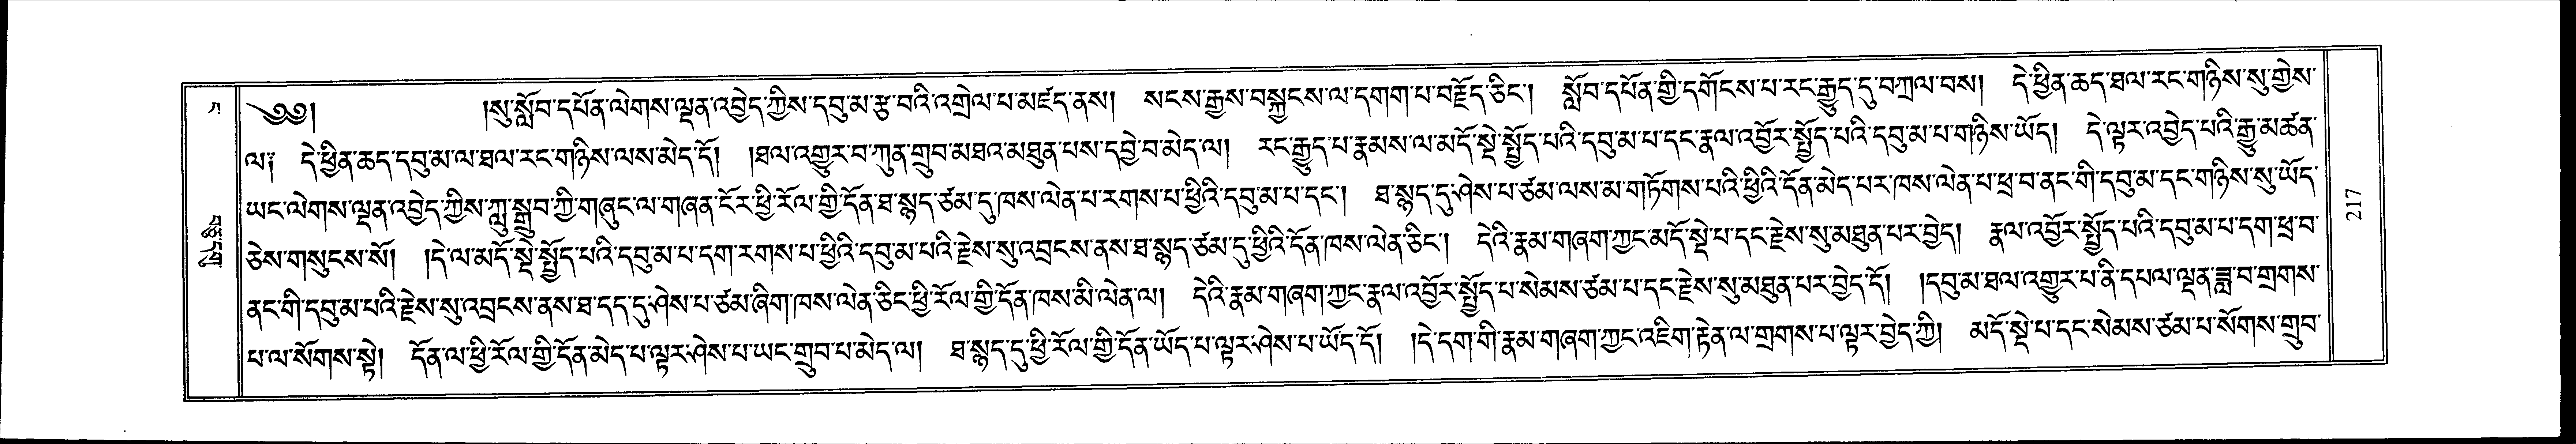༄༅། །སུ་སློབ་དཔོན་ལེགས་ལྡན་འབྱེད་ཀྱིས་དབུ་མ་རྩ་བའི་འགྲེལ་པ་མཛད་ནས། སངས་རྒྱས་བསྐྱངས་ལ་དགག་པ་བརྗོད་ཅིང་། སློབ་དཔོན་གྱི་དགོངས་པ་རང་རྒྱུད་དུ་བཀྲལ་བས། དེ་ཕྱིན་ཆད་ཐལ་རང་གཉིས་སུ་གྱེས་
ལ། དེ་ཕྱིན་ཆད་དབུ་མ་ལ་ཐལ་རང་གཉིས་ལས་མེད་དོ། །ཐལ་འགྱུར་བ་ཀུན་གྲུབ་མཐའ་མཐུན་པས་དབྱེ་བ་མེད་ལ། རང་རྒྱུད་པ་རྣམས་ལ་མདོ་སྡེ་སྤྱོད་པའི་དབུ་མ་པ་དང་རྣལ་འབྱོར་སྤྱོད་པའི་དབུ་མ་པ་གཉིས་ཡོད། དེ་ལྟར་འབྱེད་པའི་རྒྱུ་མཚན་
ཡང་ལེགས་ལྡན་འབྱེད་ཀྱིས་ཀླུ་སྒྲུབ་ཀྱི་གཟུང་ལ་གཞན་ངོར་ཕྱི་རོལ་གྱི་དོན་ཐ་སྙད་ཙམ་དུ་ཁས་ལེན་པ་རགས་པ་ཕྱིའི་དབུ་མ་པ་དང་། ཐ་སྙད་དུ་ཤེས་པ་ཙམ་ལས་མ་གཏོགས་པའི་ཕྱིའི་དོན་མེད་པར་ཁས་ལེན་པ་ཕྲ་བ་ནང་གི་དབུ་མ་དང་གཉིས་སུ་ཡོད་
ཅེས་གསུངས་སོ། །དེ་ལ་མདོ་སྡེ་སྤྱོད་པའི་དབུ་མ་པ་དག་རགས་པ་ཕྱིའི་དབུ་མ་པའི་རྗེས་སུ་འབྲངས་ནས་ཐ་སྙད་ཙམ་དུ་ཕྱིའི་དོན་ཁས་ལེན་ཅིང་། དེའི་རྣམ་གཞག་ཀྱང་མདོ་སྡེ་པ་དང་རྗེས་སུ་མཐུན་པར་བྱེད། རྣལ་འབྱོར་སྤྱོད་པའི་དབུ་མ་པ་དག་ཕྲ་བ་
ནང་གི་དབུ་མ་པའི་རྗེས་སུ་འབྲངས་ནས་ཐ་དད་དུ་ཤེས་པ་ཙམ་ཞིག་ཁས་ལེན་ཅིང་ཕྱི་རོལ་གྱི་དོན་ཁས་མི་ལེན་ལ། དེའི་རྣམ་གཞག་ཀྱང་རྣལ་འབྱོར་སྤྱོད་པ་སེམས་ཙམ་པ་དང་རྗེས་སུ་མཐུན་པར་བྱེད་དོ། །དབུ་མ་ཐལ་འགྱུར་པ་ནི་དཔལ་ལྡན་ཟླ་བ་གྲགས་
པ་ལ་སོགས་སྟེ། དོན་ལ་ཕྱི་རོལ་གྱི་དོན་མེད་པ་ལྟར་ཤེས་པ་ཡང་གྲུབ་པ་མེད་ལ། ཐ་སྙད་དུ་ཕྱི་རོལ་གྱི་དོན་ཡོད་པ་ལྟར་ཤེས་པ་ཡོད་དོ། །དེ་དག་གི་རྣམ་གཞག་ཀྱང་འཇིག་རྟེན་ལ་གྲགས་པ་ལྟར་བྱེད་ཀྱི། མདོ་སྡེ་པ་དང་སེམས་ཙམ་པ་སོགས་གྲུབ་